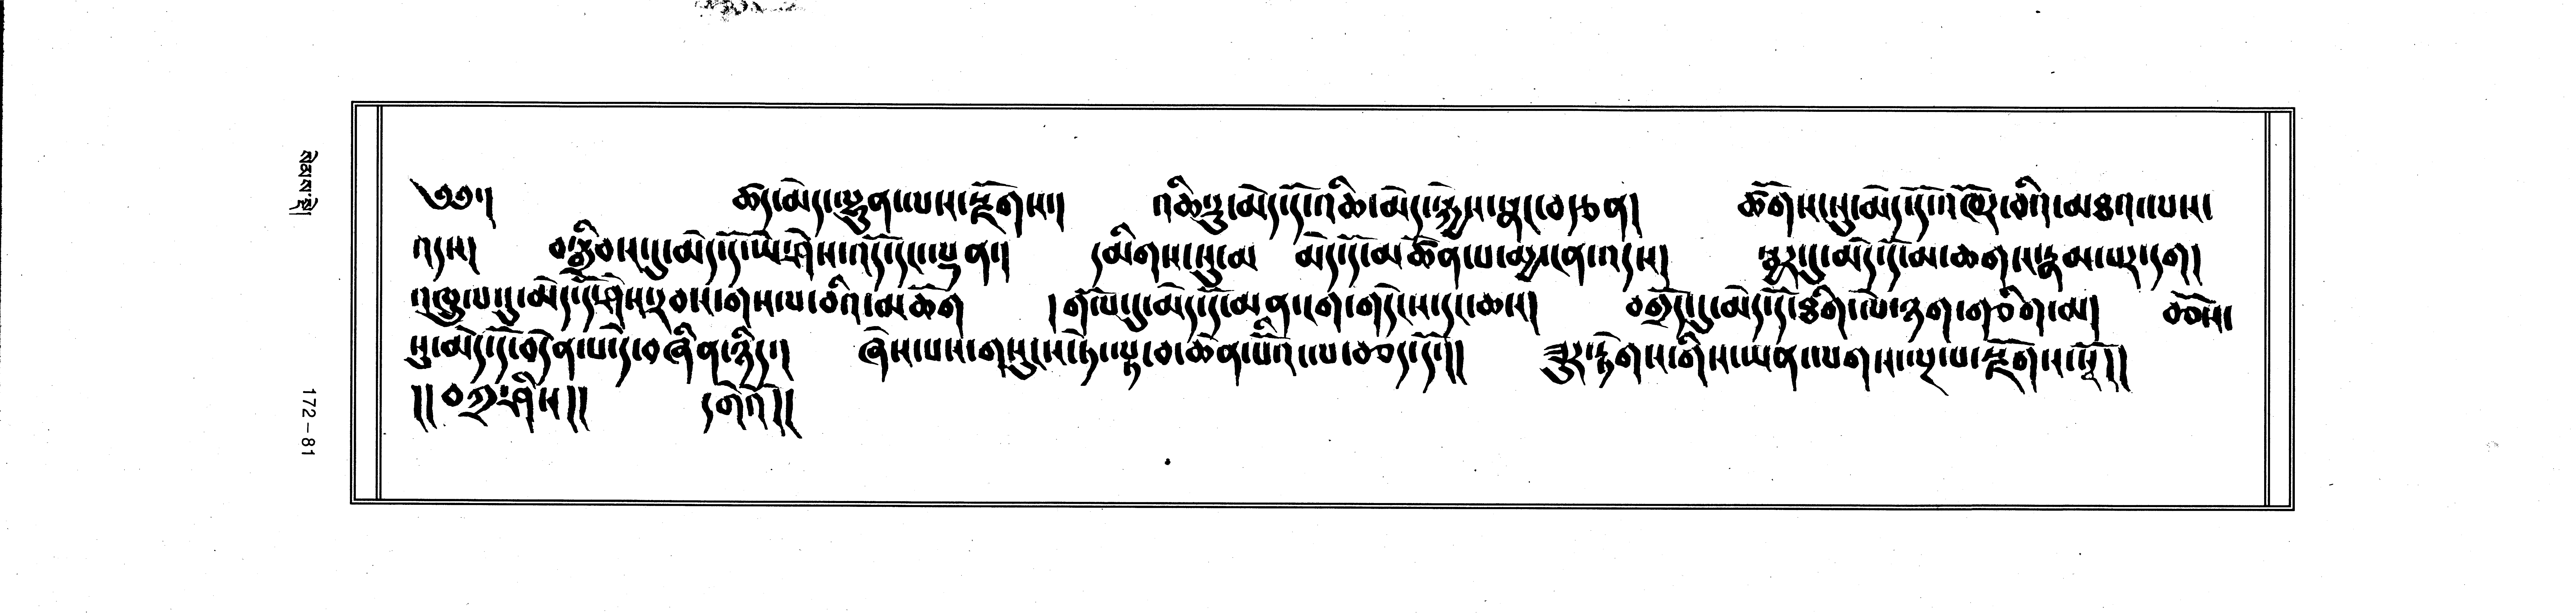ཚད་མེད་ལྷུན་ལས་རྫོགས། འཆི་རུ་མེད་དོ་འཆི་མེད་སྐྱེས་སྣང་བརྩན། ཚོགས་སུ་མེད་དོ་འཁོར་བའི་མཐའ་ལས་
འདས། བསྒྲིབས་དུ་མེད་དོ་ཡེ་ཤེས་འོད་དང་ལྡན། དམིགས་སུ་མེད་དོ་མཚོན་པ་མྱ་ངན་འདས། སྦྱར་དུ་མེད་དོ་མ་ཆགས་རྣམ་པར་དག 
འཁྲུལ་དུ་མེད་དོ་ཤེས་རབ་གསལ་བའི་མཆོག གོལ་དུ་མེད་དོ་མན་ངག་གེངས་དང་ཆས། བགྲོད་དུ་མེད་དོ་ཐིག་ལེ་ཉག་གཅིག་མ། བཅོས་
སུ་མེད་དོ་བདེན་པ་དེ་བཞིན་ཉིད། ཞེས་པས་གསུངས་ཏེ་ལྟ་བ་ཆེན་པོའི་ལ་བཅད་དོ། ཟུར་རྟེགས་གིས་ཡན་ལགས་ལྔ་པ་རྫོགས་སྭོ། 
//བཀྲ་ཤིས། དགེའོ།/